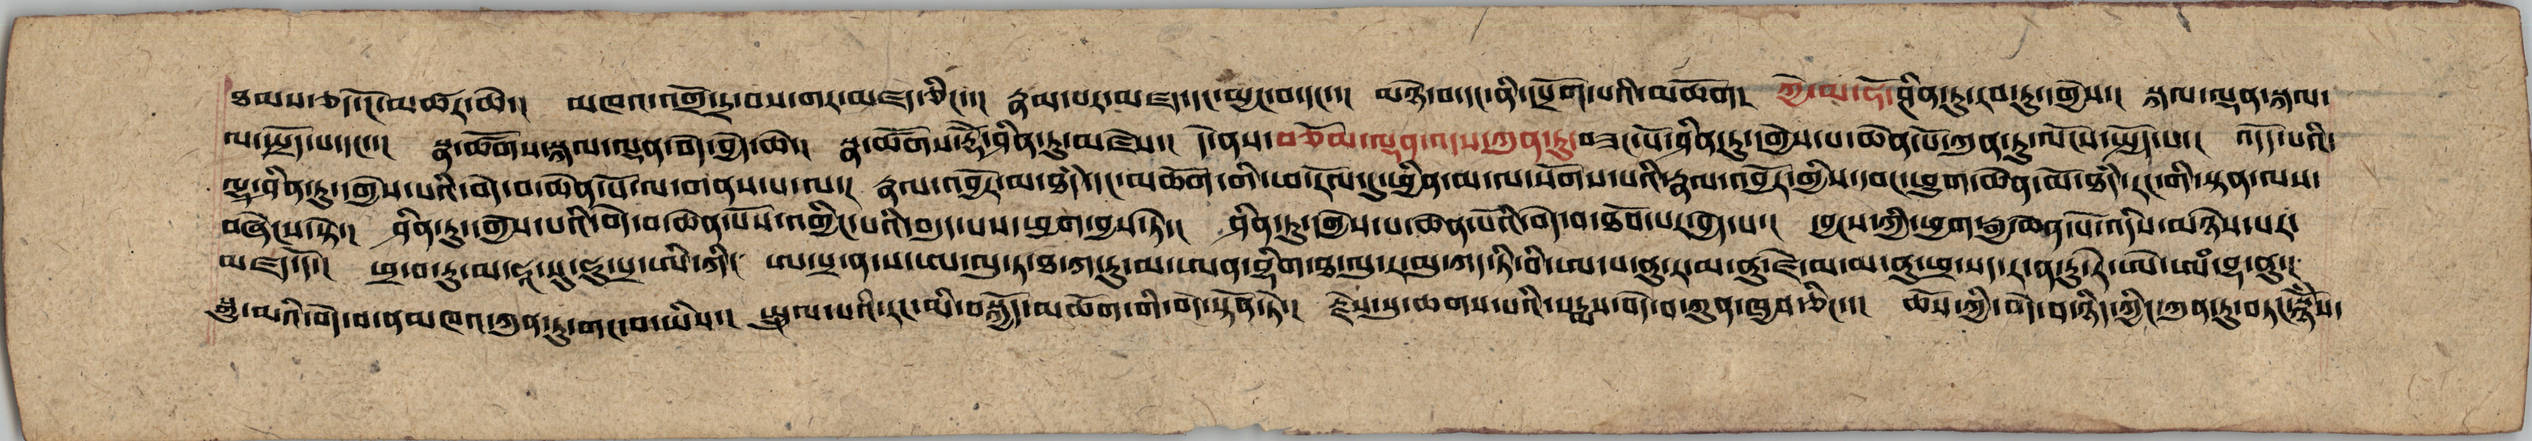ཐམས་ཅད་ངོ་མཚར་ཆེ་། མཁའ་འགྲོ་དྲ་བས་གར་མཛད་ཅིང་། རྣམ་པར་མཛད་དང་མྱང་བ་དང་་། མཉེ་བ་དང་ནི་དཔྲོག་པའི་མཆོག། ཀྱེ་མ་ཧོ་ཤིན་ཏུ་རབ་ཏུ་དགྱེས་། སྐལ་ལྡན་སྐལ་
ལ་སྤྲོད་པ་དང་་། སྣ་ཚོགས་སྐལ་ལྡན་བདེ་བྱེད་ཆེ་། སྣ་ཚོགས་རྡོེ་ཤིན་ཏུ་མཛེས་། དེ་ནས་བཅོམ་ལྡན་འདས་ཀུན་ཏུ་བཟང་པོ་ཤིན་ཏུ་དགྱེས་པ་ཆེན་པོ་ཀུན་ཏུ་ལོངས་སྤྱོད་པ་། འདོད་པའི་
ལྷ་ཤིན་ཏུ་དགྱེས་པའི་བདེ་བ་ཆེན་པོ་ལ་གནས་པ་ལ་། རྣལ་འབྱོར་མ་ཐཾད་དང་མཆོག་གི་ཕ་རོལ་དུ་ཕྱིན་མ་ལ་སོགས་པའི་རྣལ་འབྱོར་གྱིས་དབང་ཕྱུག་ཆེན་མོ་ཐཾད་རང་གི་སྟན་ལས་
བཞེངས་སྟེ་། ཤིན་ཏུ་དགྱེས་པའི་བདེ་བ་ཆེན་པོས་འགྱིང་པའི་བདུད་པས་ཕྱག་བྱས་ཏེ་། ཤིན་ཏུ་དགྱེས་པ་ཆེན་པོའི་བདེ་བ་ཐོབ་པར་བྱེད་པ་། དབྱངས་ཀྱི་ཕྱག་རྒྱ་ཆེན་པོ་འདིས་མཉེས་པར་
མཛད་དོ་། ཕྲ་བ་ཏུ་མ་ཧཱ་སུ་ཧུ་སྲ་ཨི་ཀི་། ཨ་སྲ་ན་ས་ཨ་ལུ་ཏ་ཐ་ཀ་ཏུ་མ་ཨན་བྷིག་ཐ་ལུ་ར་མུ་ཀད་ཏི་བི་ཨ་པ་ནུ་ར་མ་ནུ་ཛེ་མ་མ་ནུ་ཕྲ་སད་ར་ན་ཏུ་རེ་ཨེ་ཨཾ་བྷ་ནུ་།
སྒྱུ་མའི་བདེ་བ་ནམཁའ་ཀུན་ཏུ་གང་བ་ཡིས་། སྤྲུལ་པའི་རང་མི་བསྐྱོད་མཆོག་གི་བདེ་སྟོན་ཏེ་། རྗེས་སུ་ཆགས་པའི་པདྨས་བདེ་བ་ཀུན་ཁྱབ་ཅིང་་། ཆོས་ཀྱི་བདེ་བ་ཉིད་ཀྱིང་ཀུན་ཏུ་བཏང་སྙོཾས་